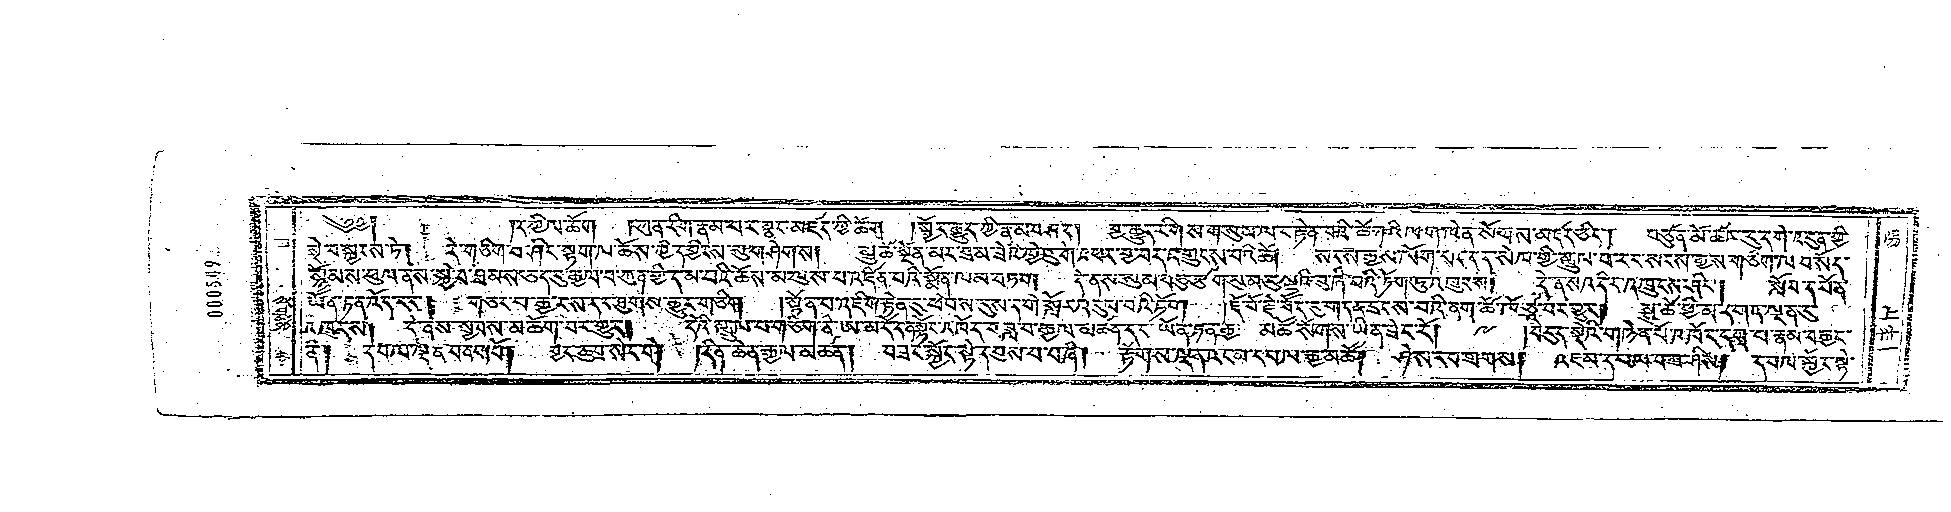༄༅། །དཀྱིལ་ཆོག །ཀུན་རིག་རྣམ་པར་སྣང་མཛད་ཀྱི་ཆོག །སྤྱོད་རྒྱུད་ཀྱི་རྣམ་བཤད། བྱ་རྒྱུད་རིགས་གསུམ་ལ་བརྟེན་བའི་ཆོ་གའི་ལག་ལེན་སོགས་མཛད་ཅིང་། བཙུན་མོ་ཚལ་དུ་དགེ་འདུན་གྱི་
སྡེ་བསྐྱངས་ཏེ། རེ་གཅིག་བ་ཤིང་སྟག་ལ་ཆོས་ཀྱི་དབྱིངས་སུ་གཤེགས། སྐུ་ཚེ་སྔོན་མར་བྲམ་ཟེའི་ཁྱེའུ་གོ་འཕང་བྱ་བར་འགྲུངས་བའི་ཚེ། སངས་རྒྱས་ལོག་པར་དད་སེལ་གྱི་སྤྲུལ་བ་རང་སངས་རྒྱས་གཅིག་ལ་བསོད་
སྙོམས་ཕུལ་ནས་སྐྱེ་བ་ཐམས་ཅད་དུ་རྒྱལ་བ་ཀུན་གྱི་དམ་པའི་ཆོས་མ་ལུས་པ་འཛིན་པའི་སྨོན་ལམ་བཏབ། དེ་ནས་སུམ་བཅུ་རྩ་གསུམ་དུ་ལྟའི་བུ་ཞི་བའི་ཏོག་ཏུ་འཁྲུངས། དེ་ནས་འདིར་འཁྲུངས་ཤིང་། སློབ་དཔོན་
ཡོན་ཏན་འོད་དང་། གཙང་པ་རྒྱ་རས་དང་ཐུགས་རྒྱུར་གཅིག །སྟོན་པ་འཇིག་རྟེན་དུ་ཕེབས་དུས་དགེ་སློང་འདུལ་བའི་ཏོག །ཇོ་བོ་རྗེ་བོད་དུ་གདན་དྲངས་བའི་ནག་ཚོ་ཁོ་ཙཱ་བར་གྱུར། སྐུ་ཚེ་ཕྱི་མ་དགའ་ལྡན་དུ་
འཁྲུངས། དེ་ནས་སྐྱབས་མཆོག་པར་གྱུར། དེའི་སྤྲུལ་པ་གཅིག་ནི་ཨ་མདོ་ངན་སྟོང་འཁོར་བཟླ་བ་རྒྱལ་མཚན་དང་ཡོན་ཏན་རྒྱ་མཚོ་སོགས་ཡིན་ཟེར་རོ། ༧་།བདུད་སྡེའི་གཉེན་པོ་འཁོར་དག་པ་རྣམ་བརྒྱད་
ནི། དཔལ་ལྡན་བྣག་པོ། བྱང་ཆུབ་སེང་གེ །རིན་ཆེན་རྒྱལ་མཚན། བཟང་སྐྱོང་སྟེ་དབུས་པ་བཞི། རྟོགས་ལྡན་འདམ་དཔལ་རྒྱ་མཚོ། ཤེས་རབ་གྲགས། འཇམ་དཔལ་བཀྲ་ཤིས། དཔལ་སྐྱོང་སྟེ་